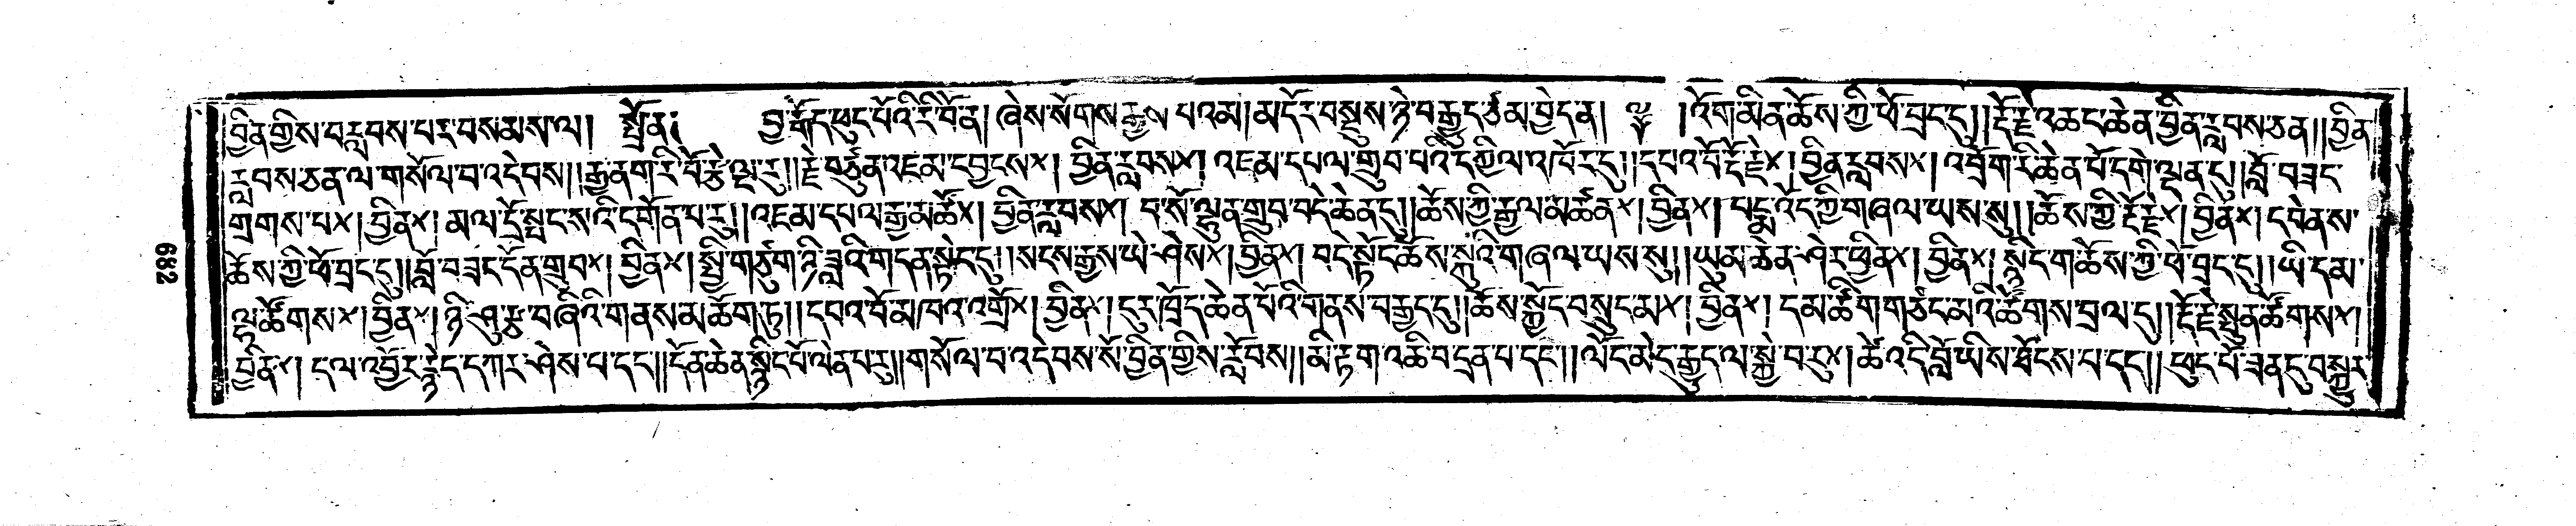བྱིན་གྱིས་བརླབས་པར་བསམས་ལ། སྤྲོ་ན༑ བྱ་རྒོད་ཕུང་པོའི་རི་བོ་ན། ཞེས་སོགས་རྒྱས་པའམ། མདོར་བསྡུས་ཉེ་བརྒྱུད་ཙམ་བྱེད་ན། ༈ །འོག་མིན་ཆོས་ཀྱི་ཕོ་བྲང་དུ། །རྡོ་རྗེ་འཆང་ཆེན་བྱིན་རླབས་ཅན། །བྱིན་
རླབས་ཅན་ལ་གསོལ་བ་འདེབས། །རྒྱ་ནག་རི་བོ་རྩེ་ལྔ་རུ། །རྗེ་བཙུན་འཇམ་དབྱངས་྾། བྱིན་རླབས་྾། འཇམ་དཔལ་གྲུབ་པའི་དཀྱིལ་འཁོར་དུ། །དཔའ་བོ་རྡོ་རྗེ་྾། བྱིན་རླབས་྾། འབྲོག་རི་ཆེན་པོ་དགེ་ལྡན་དུ། །བློ་བཟང་
གྲགས་པ་྾། བྱིན་྾། མལ་དྲོ་སྤང་སའི་དགོན་པ་རུ། །འཇམ་དཔལ་རྒྱ་མཚོ་྾། བྱིན་རླབས་྾། བ་སོ་ལྷུན་གྲུབ་བདེ་ཆེན་དུ། །ཆོས་ཀྱི་རྒྱལ་མཚན་྾། བྱིན་྾། པདམ་འོད་ཀྱི་གཞལ་ཡས་སུ། །ཆོས་ཀྱི་རྡོ་རྗེ་྾། བྱིན་྾། དབེན་ས་
ཆོས་ཀྱི་ཕོ་བྲང་དུ། །བློ་བཟང་དོན་གྲུབ་྾། བྱིན་྾། སྤྱི་གཙུག་ཉི་ཟླའི་གདན་སྟེང་དུ། །སངས་རྒྱས་ཡེ་ཤེས་྾། བྱིན་྾། བདེ་སྟོང་ཆོས་སྐུའི་གཞལ་ཡས་སུ། །ཡུམ་ཆེན་ཤེར་ཕྱིན་྾། བྱིན་྾། སྙིང་ག་ཆོས་ཀྱི་ཕོ་བྲང་དུ། །ཡི་དམ་
ལྷ་ཚོགས་྾། བྱིན་྾། ཉི་ཤུ་རྩ་བཞིའི་གནས་མཆོག་ཏུ། །དཔའ་བོ་མཁའ་འགྲོ་྾། བྱིན་྾། དུར་ཁྲོད་ཆེན་པོའི་གནས་བརྒྱད་དུ། །ཆོས་སྐྱོང་བསྲུང་མ་྾། བྱིན་྾། དམ་ཚིག་གཙང་མའི་ཚོགས་བྲལ་དུ། །རྡོ་རྗེ་སྤུན་ཚོགས་྾།
བྱིན་྾། དལ་འབྱོར་རྙེད་དཀར་ཤེས་པ་དང་། །དོན་ཆེན་སྙིང་པོ་ལེན་པ་རུ། །གསོལ་བ་འདེབས་སོ་བྱིན་གྱིས་རློབས། །མི་རྟག་འཆི་བ་དྲན་པ་དང་། །ལོང་མེད་རྒྱུད་ལ་སྐྱེ་བ་རུ་྾། ཚེ་འདི་བློ་ཡིས་ཐོངས་པ་དང་། །ཕུང་པོ་ཟད་དུ་བསྐྱུར་